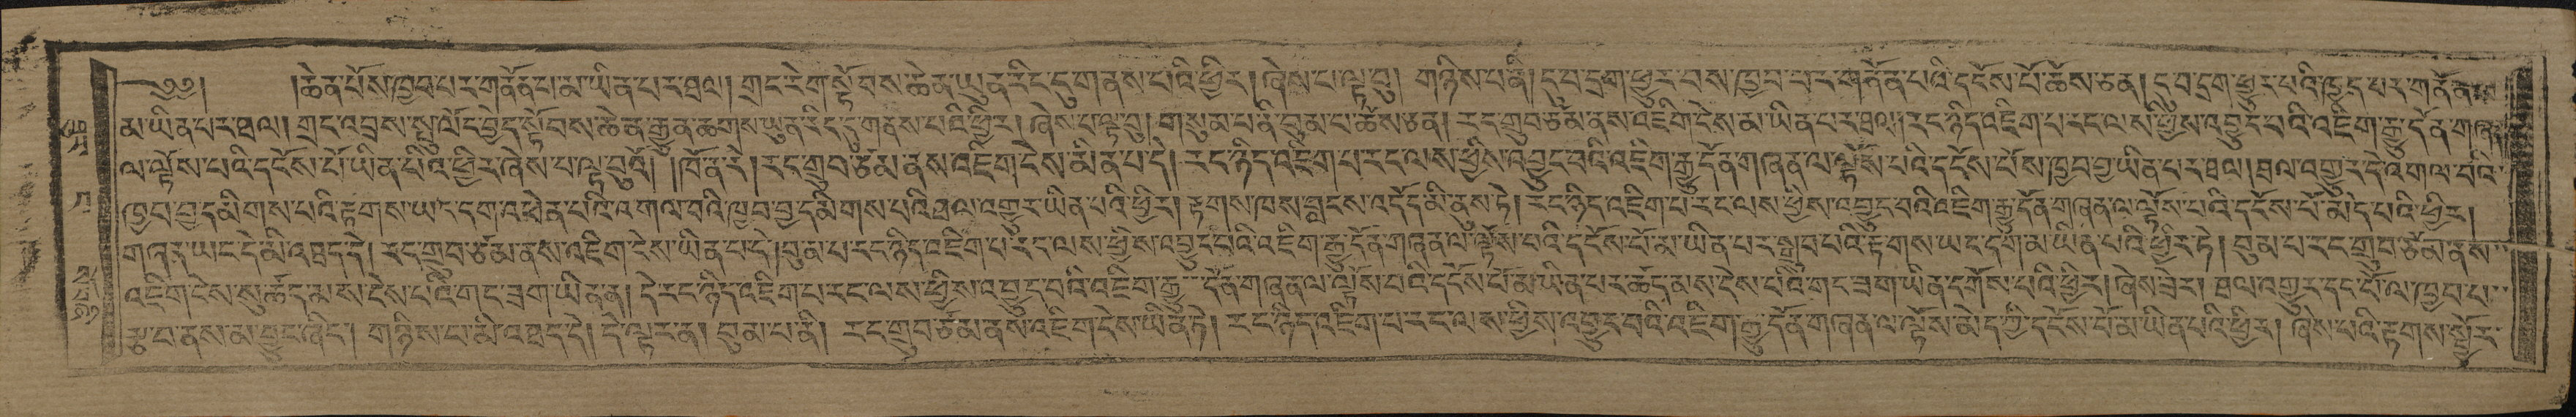༄༅། །ཆེན་པོས་ཁྱབ་པར་གནོན་པ་མ་ཡིན་པར་ཐལ། གྲང་རེགས་སྟོབས་ཆེན་ཡུན་རིང་དུ་གནས་པའི་ཕྱིར། ཞེས་པ་ལྟ་བུ། གཉིས་པ་ནི། དུ་བ་དྲག་ཕྱུར་བས་ཁྱབ་པར་གནོན་པའི་དངོས་པོ་ཆོས་ཅན། དུ་བ་དྲག་ཕྱུར་པའི་ཁྱད་པར་གནོན་པ་
མ་ཡིན་པར་ཐལ། གྲང་འབྲས་སྤུ་ལོང་བྱེད་སྟོབས་ཆེན་རྒྱུན་ཆགས་ཡུན་རིང་དུ་གནས་པའི་ཕྱིར། ཞེས་པ་ལྟ་བུ། གསུམ་པ་ནི་བུམ་པ་ཆོས་ཅན། རང་གྲུབ་ཙམ་ནས་འཇིག་ངེས་མ་ཡིན་པར་ཐལ། རང་ཉིད་འཇིག་པ་རང་ལས་ཕྱིས་འབྱུང་བའི་འཇིག་རྒྱུ་དོན་གཞན་
ལ་ལྟོས་པའི་དངོས་པོ་ཡིན་པའི་ཕྱིར་ཞེས་པ་ལྟ་བུའོ། །ཁོ་ན་རེ། རང་གྲུབ་ཙམ་ནས་འཇིག་ངེས་མིན་པ་དེ། རང་ཉིད་འཇིག་པ་རང་ལས་ཕྱིས་འབྱུང་བའི་འཇིག་རྒྱུ་དོན་གཞན་ལ་ལྟོས་པའི་དངོས་པོས་ཁྱབ་བྱ་ཡིན་པར་ཐལ། ཐལ་འགྱུར་དེ་འགལ་བའི་
ཁྱབ་བྱ་དམིགས་པའི་རྟགས་ཡང་དག་འཕེན་པའི་འགལ་བའི་ཁྱབ་བྱ་དམིགས་པའི་ཐལ་འགྱུར་ཡིན་པའི་ཕྱིར། རྟགས་ཁས་བླངས་འདོད་མི་ནུས་ཏེ། རང་ཉིད་འཇིག་པ་རང་ལས་ཕྱིས་འབྱུང་བའི་འཇིག་རྒྱུ་དོན་གཞན་ལ་ལྟོས་པའི་དངོས་པོ་མེད་པའི་ཕྱིར།
གཞན་ཡང་དེ་མི་འཐད་དེ། རང་གྲུབ་ཙམ་ནས་འཇིག་ངེས་ཡིན་པ་དེ། བུམ་པ་རང་ཉིད་འཇིག་པ་རང་ལས་ཕྱིས་འབྱུང་བའི་འཇིག་རྒྱུ་དོན་གཞན་ལ་ལྟོས་པའི་དངོས་པོ་མ་ཡིན་པར་སྒྲུབ་པའི་རྟགས་ཡང་དག་མ་ཡིན་པའི་ཕྱིར་ཏེ། བུམ་པ་རང་གྲུབ་ཙམ་ནས་
འཇིག་ངེས་སུ་ཚད་མས་ངེས་པའི་གང་ཟག་ཡིན་ན། དེ་རང་ཉིད་འཇིག་པ་རང་ལས་ཕྱིས་འབྱུང་བའི་འཇིག་རྒྱུ་དོན་གཞན་ལ་ལྟོས་པའི་དངོས་པོ་མ་ཡིན་པར་ཚད་མས་ངེས་པའི་གང་ཟག་ཡིན་དགོས་པའི་ཕྱིར། ཞེས་ཟེར། ཐལ་འགྱུར་དང་པོ་ལ་ཁྱབ་པ་
རྩ་བ་ནས་མ་བྱུང་ཞིང་། གཉིས་པ་མི་འཐད་དེ། དེ་ལྟར་ན། བུམ་པ་ནི། རང་གྲུབ་ཙམ་ནས་འཇིག་ངེས་ཡིན་ཏེ། རང་ཉིད་འཇིག་པ་རང་ལས་ཕྱིས་འབྱུང་བའི་འཇིག་རྒྱུ་དོན་གཞན་ལ་ལྟོས་མེད་ཀྱི་དངོས་པོ་མ་ཡིན་པའི་ཕྱིར། ཞེས་པའི་རྟགས་སྦྱོར་